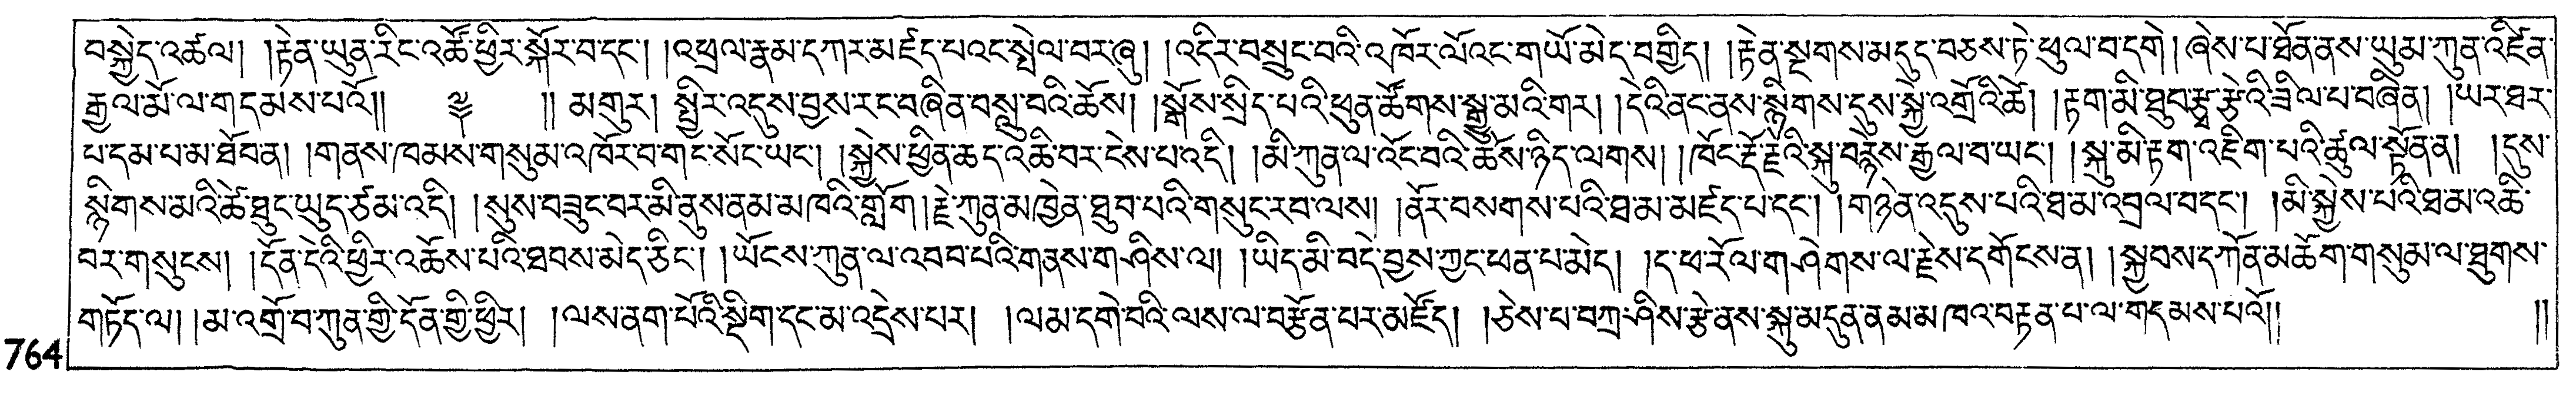བསྐྱེད་འཚལ། །རྟེན་ཡུན་རིང་འཚོ་ཕྱིར་སྐོར་བ་དང་། །འཕྲལ་རྣམ་དཀར་མཛད་པའང་སྤེལ་བར་ཞུ། །འདིར་བསྲུང་བའི་འཁོར་ལོའང་གཡོ་མེད་བགྱིད། །རྟེན་སྔགས་མདུད་བཅས་ཏེ་ཕུལ་བ་དགེ །ཞེས་པ་ཐོན་ནས་ཡུམ་ཀུན་འཛིན་
རྒྱལ་མོ་ལ་གདམས་པའོ།། ༈ །།མགུར། སྤྱིར་འདུས་བྱས་རང་བཞིན་བསླུ་བའི་ཆོས། །སྒོས་སྲིད་པའི་ཕུན་ཚོགས་སྒྱུ་མའི་གར། །དེའི་ནང་ནས་སྙིགས་དུས་སྐྱེ་འགྲོའི་ཚེ། །རྟག་མི་ཐུབ་རྩྭ་རྩེའི་ཟིལ་པ་བཞིན། །ཡར་ཐར་
པ་དམ་པ་མ་ཐོབ་ན། །གནས་ཁམས་གསུམ་འཁོར་བ་གང་སོང་ཡང་། །སྐྱེས་ཕྱིན་ཆད་འཆི་བར་ངེས་པ་འདི། །མི་ཀུན་ལ་འོང་བའི་ཆོས་ཉིད་ལགས། །ཁོང་རྡོ་རྗེའི་སྐུ་བརྙེས་རྒྱལ་བ་ཡང་། །སྐུ་མི་རྟག་འཇིག་པའི་ཚུལ་སྟོན་ན། །དུས་
སྙིགས་མའི་ཚེ་ཐུང་ཡུད་ཙམ་འདི། །སུས་བཟུང་བར་མི་ནུས་ནམ་མཁའི་གློག །རྗེ་ཀུན་མཁྱེན་ཐུབ་པའི་གསུང་རབ་ལས། །ནོར་བསགས་པའི་ཐ་མ་མཛད་པ་དང་། །གཉེན་འདུས་པའི་ཐ་མ་འབྲལ་བ་དང་། །མི་སྐྱེས་པའི་ཐ་མ་འཆི་
བར་གསུངས། །དོན་དེའི་ཕྱིར་འཆོས་པའི་ཐབས་མེད་ཅིང་། །ཡོངས་ཀུན་ལ་འབབ་པའི་གནས་གཤིས་ལ། །ཡིད་མི་བདེ་བྱས་ཀྱང་ཕན་པ་མེད། །ད་ཕ་རོལ་གཤེགས་ལ་རྗེས་དགོངས་ན། །སྐྱབས་དཀོན་མཆོག་གསུམ་ལ་ཐུགས་
གཏོད་ལ། །མ་འགྲོ་བ་ཀུན་གྱི་དོན་གྱི་ཕྱིར། །ལས་ནག་པོའི་སྡིག་དང་མ་འདྲེས་པར། །ལམ་དགེ་བའི་ལས་ལ་བརྩོན་པར་མཛོད། །ཅེས་པ་བཀྲ་ཤིས་རྩེ་ནས་སྐུ་མདུན་ནམ་མཁའ་བརྟན་པ་ལ་གདམས་པའོ།། །།